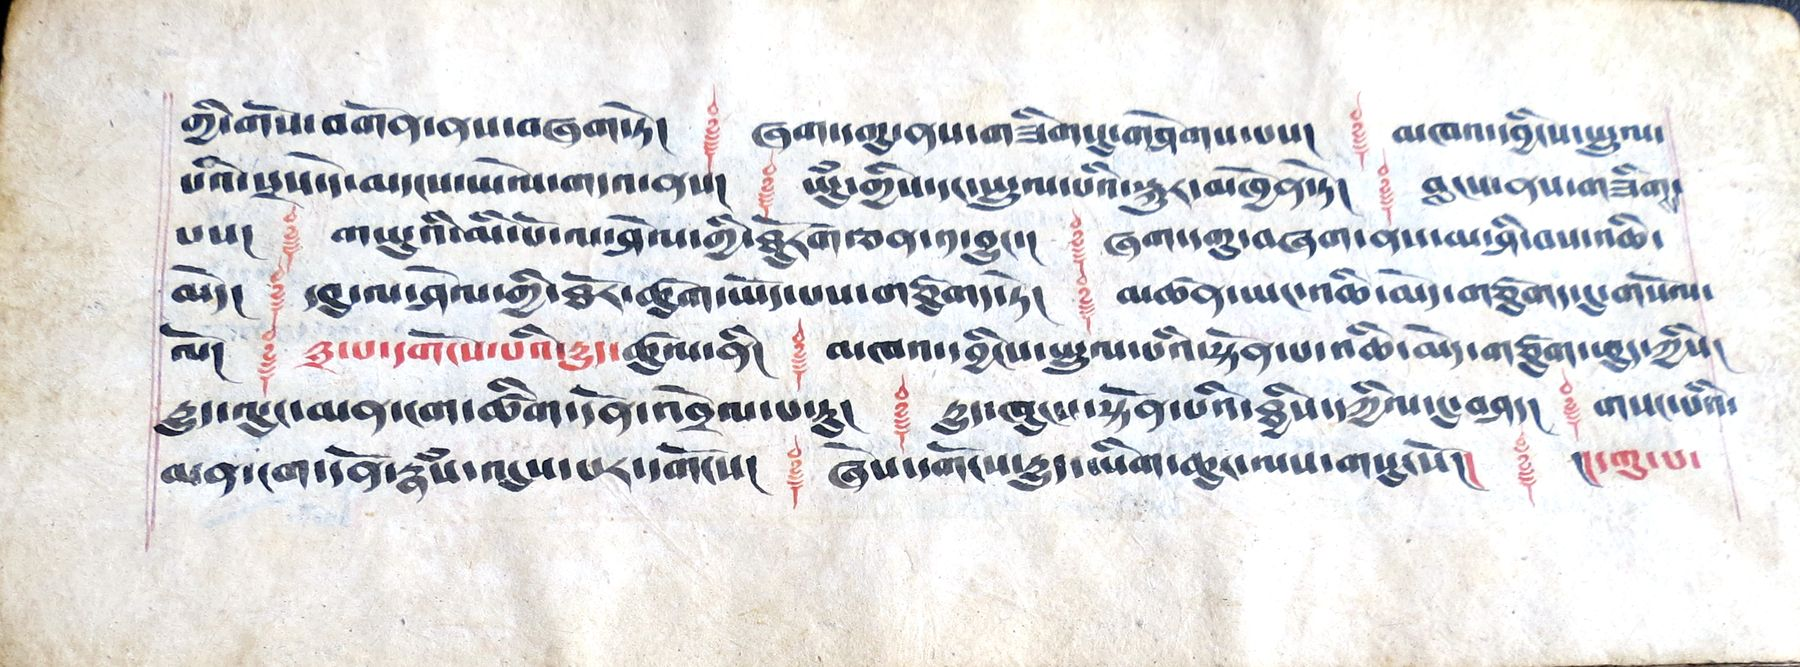གྱིས་གོས་བསྐོན་ནས་བཞག་སྟེ། ཞག་དགུ་ནས་གཟིགས་སུ་གཤེགས་པས། མཁའ་དབྱིངས་སྤྲུལ་
པའི་སྲས་དེ་མདངས་ཡལ་ལེ་གདའ་ནས། ཡུམ་གྱིས་ཀྱང་སྤྲུལ་པའི་སྐུར་མཁྱེན་ཏེ། བླངས་ནས་གཟིགས་
པས། གཡུའི་མི་ཕོ་ལ་ཤེལ་གྱི་ཐོར་ཚུགས་ཅན་ཞིག་བྱུང་། ཞག་དགུ་བཞག་ནས་མ་ཤི་བས་འཆི་
མེད། དབུ་ལ་ཤེལ་གྱི་ཐོར་ཚུགས་ཡོད་པས་གཙུག་ཕུད་དེ། མཚན་ཡང་འཆི་མེད་གཙུག་ཕུད་དུ་གསོལ་
ལོ། ། གསུམ་པ་དགོངས་པའི་བརྒྱུད་ཚུལ་ནི། མཁའ་དབྱིངས་སྤྲུལ་པའི་སྟོན་པ་འཆི་མེད་གཙུག་ཕུད་ཀྱིས། 
རྒྱུད་ལུང་མན་ངག་ཚིག་དོན་འབྲེལ་པ་རུ། རྒྱུད་ཁུངས་སྟོན་པའི་ཐུགས་ཀྱི་དཀྱིལ་དུ་བཤད། གསང་བའི་
མན་ངག་དོན་རྣམས་འདུས་པར་དགོངས། ཞེས་དགོངས་རྒྱུད་ཡིག་ཆུང་ལས་གསུངས་སོ། ། དགུ་པ་